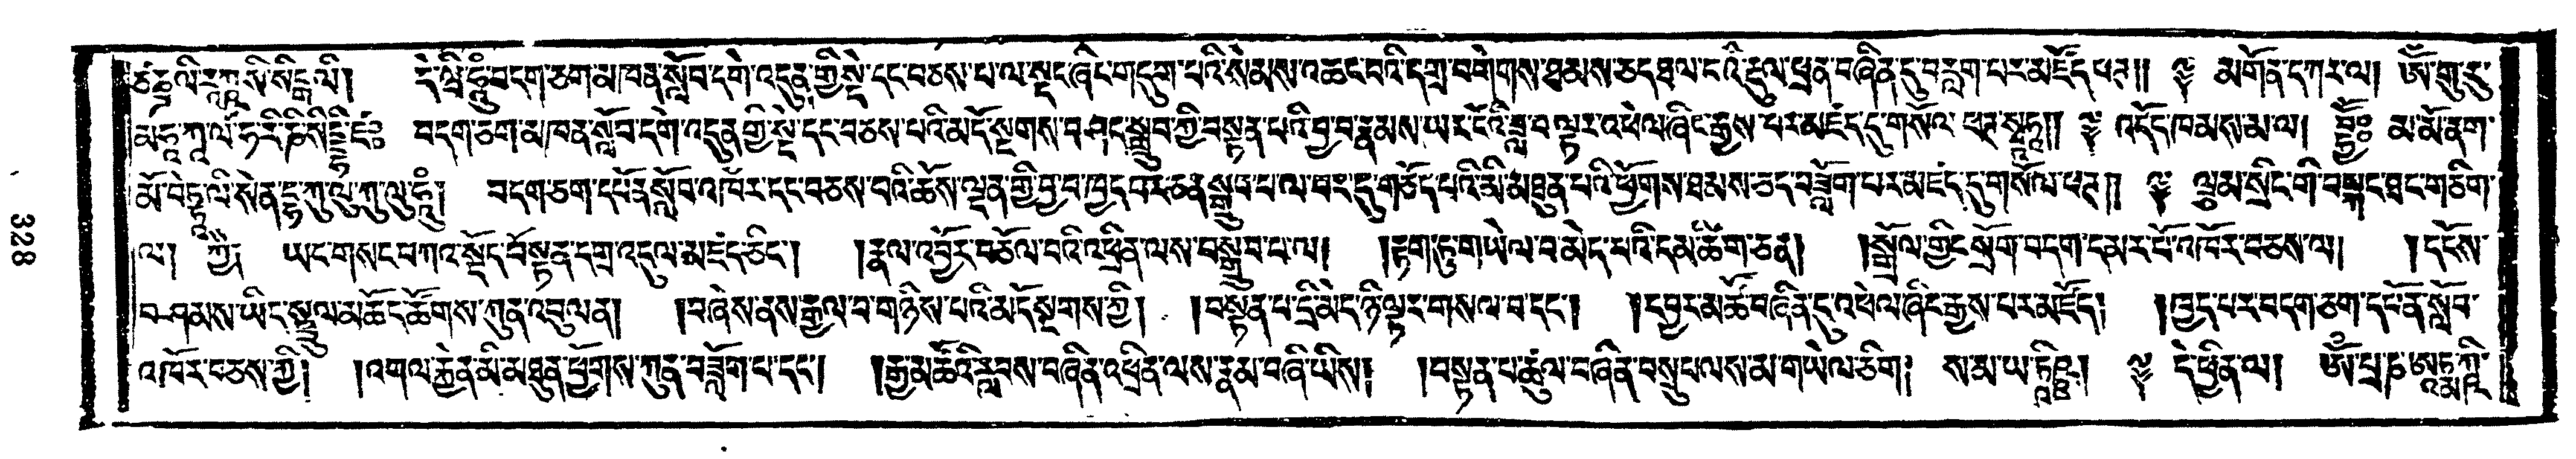ཙཎྜ་ལི་རཱཀྵ་སི་སིངྒ་ལི། དེ་ཝི་ཧཱུཾ་བདག་ཅག་མཁན་སློབ་དགེ་འདུན་གྱི་སྡེ་དང་བཅས་པ་ལ་སྡང་ཞིང་གདུག་པའི་སེམས་འཆང་བའི་དགྲ་བགེགས་ཐམས་ཅད་ཐལ་བའི་རྡུལ་ཕྲན་བཞིན་དུ་བརླག་པར་མཛོད་ཕཊ།། ༈ མགོན་དཀར་ལ། ཨོཾ་གུ་རུ་
མཧཱ་ཀཱ་ལ་ཧ་རི་ཎི་སིདྡྷི་ཛཿ བདག་ཅག་མཁན་སློབ་དགེ་འདུན་གྱི་སྡེ་དང་བཅས་པའི་མདོ་སྔགས་བཤད་སྒྲུབ་ཀྱི་བསྟན་པའི་བྱ་བ་རྣམས་ཡར་ངོའི་ཟླ་བ་ལྟར་འཕེལ་ཞིང་རྒྱས་པར་མཛད་དུ་གསོལ་ཕཊ་སྭཱ་ཧཱ།། ༈ འདོད་ཁམས་མ་ལ། བྷྱོཿ མ་མོ་ནག་
མོ་བེཏྟཱ་ལི་སེན་དྷ་ཀུ་ལུ་ཀུ་ལུ་ཧཱུཾ། བདག་ཅག་དཔོན་སློབ་འཁོར་དང་བཅས་པའི་ཆོས་ལྡན་གྱི་བྱ་བ་ཁྱད་པར་ཅན་སྒྲུབ་པ་ལ་བར་དུ་གཅོད་པའི་མི་མཐུན་པའི་ཕྱོགས་ཐམས་ཅད་བཟློག་པར་མཛད་དུ་གསོལ་ཕཊ།། ༈ ལྕམ་སྲིང་གི་བསྐང་ཐང་གཅིག་
ལ། ཀྱཻ༑ ཡང་གསང་བཀའ་སྡོད་བོ་སྟན་དགྲ་འདུལ་མཛད་ཅིང་། །རྣལ་འབྱོར་བཅོལ་བའི་འཕྲིན་ལས་བསྒྲུབ་པ་ལ། །རྟག་ཏུ་གཡེལ་བ་མེད་པའི་དམ་ཚིག་ཅན། །སྒྲོལ་གྱིང་སྲོག་བདག་དམར་པོ་འཁོར་བཅས་ལ། །དངོས་
བཤམས་ཡིད་སྤྲུལ་མཆོད་ཚོགས་ཀུན་འབུལ་ན། །བཞེས་ནས་རྒྱལ་བ་གཉིས་པའི་མདོ་སྔགས་ཀྱི། །བསྟན་པ་དྲི་མེད་ཉི་ལྟར་གསལ་བ་དང་། །དབྱར་མཚོ་བཞིན་དུ་འཕེལ་ཞིང་རྒྱས་པར་མཛོད། །ཁྱད་པར་བདག་ཅག་དཔོན་སློབ་
འཁོར་བཅས་ཀྱི། །འགལ་རྐྱེན་མི་མཐུན་ཕྱོགས་ཀུན་བཟློག་པ་དང་། །རྒྱ་མཚོའི་རླབས་བཞིན་འཕྲིན་ལས་རྣམ་བཞི་ཡིས། །བསྟན་པ་ཚུལ་བཞིན་བསྲུ་པ་ལས་མ་གཡེལ་ཅིག༑ ས་མ་ཡ་ཏཱིཥཊཿཨ། ༈ དེ་ཕྱིན་ལ། ཨོཾ་པྲ་ཎ་ཨཱཏྨ་ཀྵི་